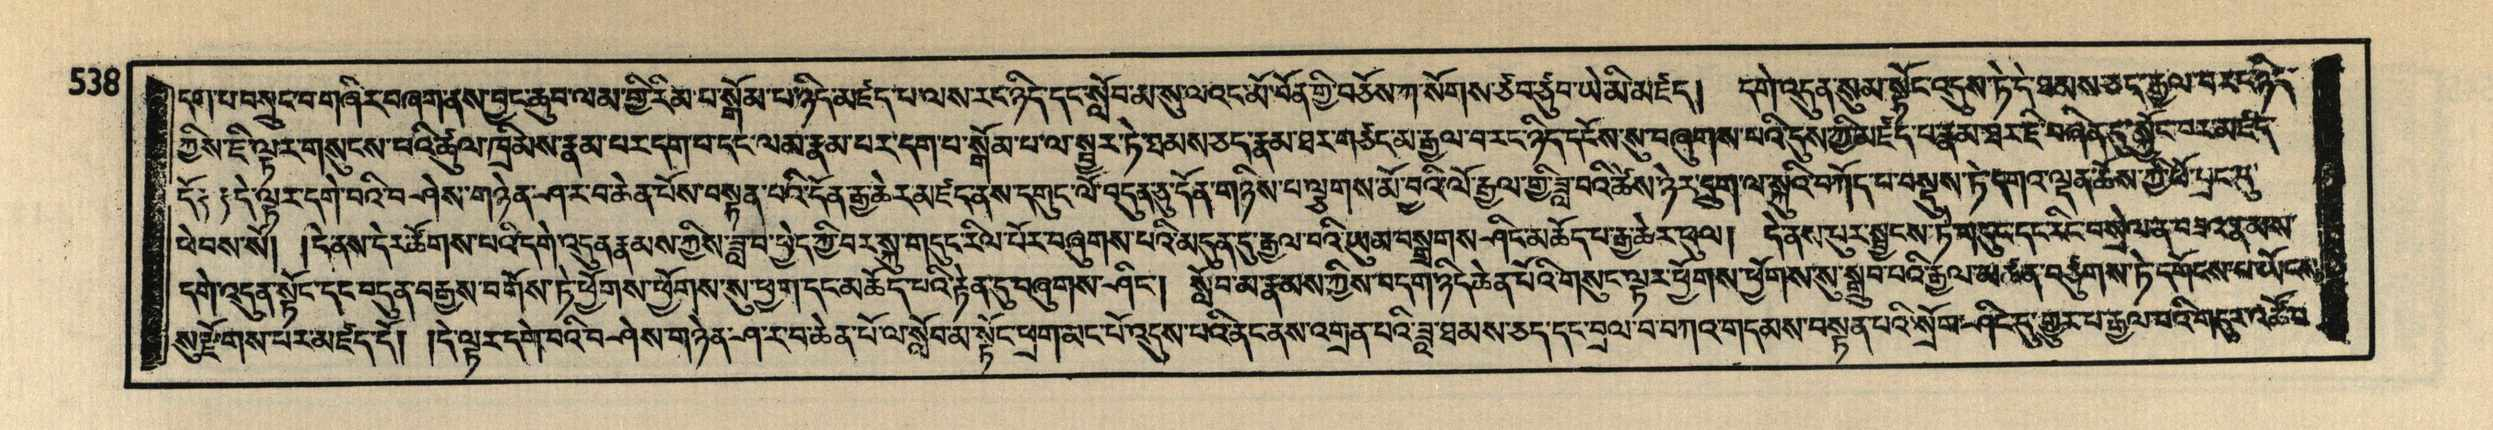དག་པ་བསྲུང་བ་གཞིར་བཞག་ནས་བྱང་ཆུབ་ལམ་གྱི་རིམ་པ་སྒོམ་པ་ཉིད་མཛད་པ་ལས་རང་ཉིད་དང་སློབ་མ་སུ་ལའང་མོ་བོན་གྱི་བཅོས་ཀ་སོགས་ཙབ་ཙུབ་ཡེ་མི་མཛད། དགེ་འདུན་སུམ་སྟོང་འདུས་ཏེ་དེ་ཐམས་ཅད་རྒྱལ་བ་རང་ཉིད་
ཀྱིས་ཇི་ལྟར་གསུངས་པའི་ཚུལ་ཁྲིམས་རྣམ་པར་དག་པ་དང་ལམ་རྣམ་པར་དག་པ་སྒོམ་པ་ལ་སྦྱར་ཏེ་ཐམས་ཅད་རྣམ་ཐར་གཙང་མ་རྒྱལ་བ་རང་ཉིད་དངོས་སུ་བཞུགས་པའི་དུས་ཀྱི་མཛད་པ་རྣམ་ཐར་ཇི་བཞིན་དུ་སྐྱོང་བར་མཛད་
དོ༑ ༑དེ་ལྟར་དགེ་བའི་བཤེ་གཉེན་ཤ་ར་བ་ཆེན་པོས་བསྟན་པའི་དོན་རྒྱ་ཆེར་མཛད་ནས་དགུང་ལོ་བདུན་ཅུ་དོན་གཉིས་པ་ལྕགས་མོ་བྱའི་ལོ་རྒྱལ་གྱི་ཟླ་བའི་ཚེས་ཉེར་དྲུག་ལ་སྐུའི་བཀོད་པ་བསྡུས་ཏེ་དགའ་ལྡན་ཆོས་ཀྱི་ཕོ་བྲང་དུ་
ཕེབས་སོ། །དེ་ནས་དེར་ཚོགས་པའི་དགེ་འདུན་རྣམས་ཀྱིས་ཟླ་བ་ཕྱེད་ཀྱི་བར་སྐུ་གདུང་རིལ་པོར་བཞུགས་པའི་མདུན་དུ་རྒྱལ་བའི་ཡུམ་བསྒྲགས་ཤིང་མཆོད་པ་རྒྱ་ཆེར་ཕུལ། དེ་ནས་པུར་སྦྱངས་ཏེ་གདུང་དང་རིང་བསྲེལ་ན་བཟའ་རྣམས་
དགེ་འདུན་སྟོང་དང་བདུན་བརྒྱས་བགོས་ཏེ་ཕྱོགས་ཕྱོགས་སུ་ཕྱག་དང་མཆོད་པའི་རྟེན་དུ་བཞུགས་ཤིང་། སློབ་མ་རྣམས་ཀྱིས་བདག་ཉིད་ཆེན་པོའི་གསུང་ལྟར་ཕྱོགས་ཕྱོགས་སུ་སྒྲུབ་པའི་རྒྱལ་མཚན་བཙུགས་ཏེ་དགོངས་པ་ཡོངས་
སུ་རྫོགས་པར་མཛད་དོ། །དེ་ལྟར་དགེ་བའི་བཤེས་གཉེན་ཤ་ར་བ་ཆེན་པོ་ལ་སློབ་མ་སྟོང་ཕྲག་མང་པོ་འདུས་པའི་ནང་ནས་འགྲན་པའི་ཟླ་ཐམས་ཅད་དང་བྲལ་བ་བཀའ་གདམས་བསྟན་པའི་སྲོག་ཤིང་དུ་གྱུར་པ་རྒྱལ་བའི་གདུར་འཚོ་བ་